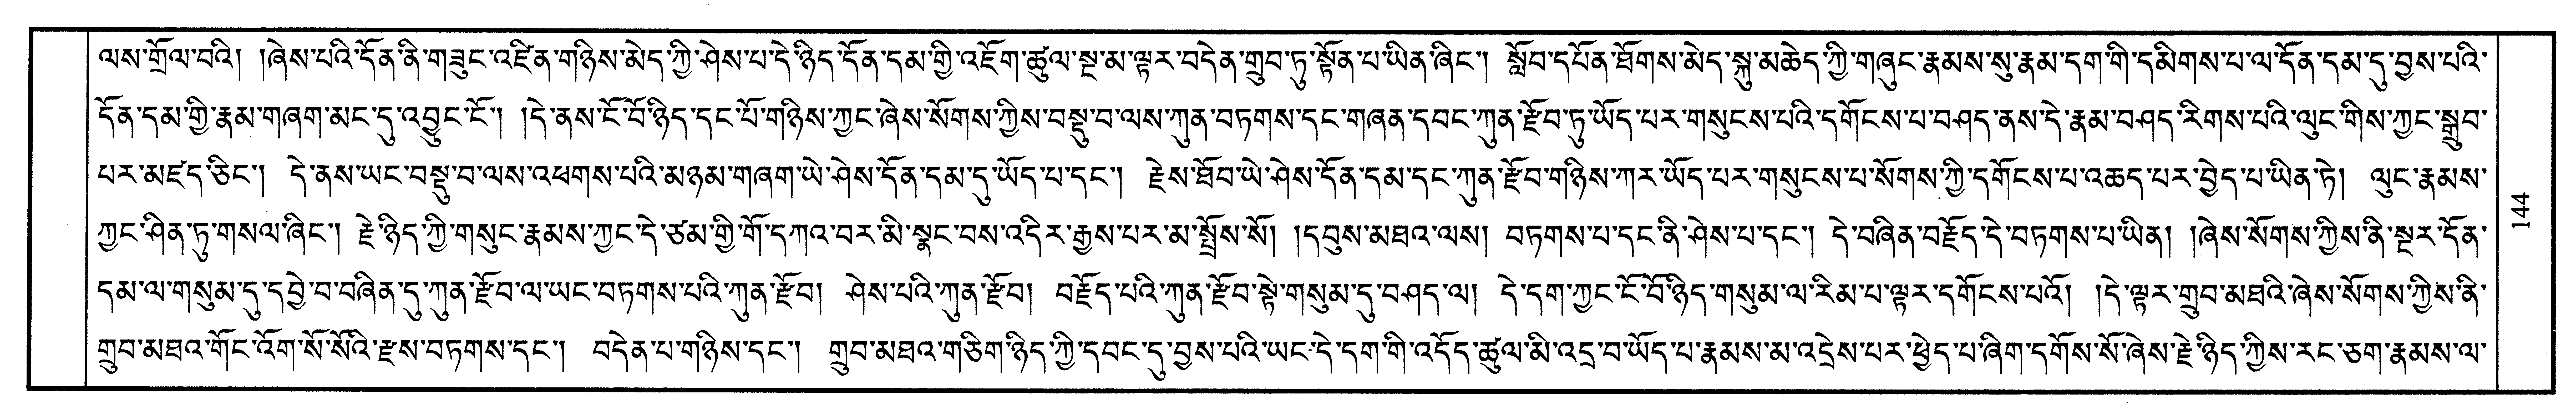ལས་གྲོལ་བའི། །ཞེས་པའི་དོན་ནི་གཟུང་འཛིན་གཉིས་མེད་ཀྱི་ཤེས་པ་དེ་ཉིད་དོན་དམ་གྱི་འཇོག་ཚུལ་སྔ་མ་ལྟར་བདེན་གྲུབ་ཏུ་སྟོན་པ་ཡིན་ཞིང་། སློབ་དཔོན་ཐོགས་མེད་སྐུ་མཆེད་ཀྱི་གཞུང་རྣམས་སུ་རྣམ་དག་གི་དམིགས་པ་ལ་དོན་དམ་དུ་བྱས་པའི་
དོན་དམ་གྱི་རྣམ་གཞག་མང་དུ་འབྱུང་ངོ། །དེ་ནས་ངོ་བོ་ཉིད་དང་པོ་གཉིས་ཀྱང་ཞེས་སོགས་ཀྱིས་བསྡུ་བ་ལས་ཀུན་བཏགས་དང་གཞན་དབང་ཀུན་རྫོབ་ཏུ་ཡོད་པར་གསུངས་པའི་དགོངས་པ་བཤད་ནས་དེ་རྣམ་བཤད་རིགས་པའི་ལུང་གིས་ཀྱང་སྒྲུབ་
པར་མཛད་ཅིང་། དེ་ནས་ཡང་བསྡུ་བ་ལས་འཕགས་པའི་མཉམ་གཞག་ཡེ་ཤེས་དོན་དམ་དུ་ཡོད་པ་དང་། རྗེས་ཐོབ་ཡེ་ཤེས་དོན་དམ་དང་ཀུན་རྫོབ་གཉིས་ཀར་ཡོད་པར་གསུངས་པ་སོགས་ཀྱི་དགོངས་པ་འཆད་པར་བྱེད་པ་ཡིན་ཏེ། ལུང་རྣམས་
ཀྱང་ཤིན་ཏུ་གསལ་ཞིང་། རྗེ་ཉིད་ཀྱི་གསུང་རྣམས་ཀྱང་དེ་ཙམ་གྱི་གོ་དཀའ་བར་མི་སྣང་བས་འདིར་རྒྱས་པར་མ་སྤྲོས་སོ། །དབུས་མཐའ་ལས། བཏགས་པ་དང་ནི་ཤེས་པ་དང་། དེ་བཞིན་བརྗོད་དེ་བཏགས་པ་ཡིན། །ཞེས་སོགས་ཀྱིས་ནི་སྔར་དོན་
དམ་ལ་གསུམ་དུ་དབྱེ་བ་བཞིན་དུ་ཀུན་རྫོབ་ལ་ཡང་བཏགས་པའི་ཀུན་རྫོབ། ཤེས་པའི་ཀུན་རྫོབ། བརྗོད་པའི་ཀུན་རྫོབ་སྟེ་གསུམ་དུ་བཤད་ལ། དེ་དག་ཀྱང་ངོ་བོ་ཉིད་གསུམ་ལ་རིམ་པ་ལྟར་དགོངས་པའོ། །དེ་ལྟར་གྲུབ་མཐའི་ཞེས་སོགས་ཀྱིས་ནི་
གྲུབ་མཐའ་གོང་འོག་སོ་སོའི་རྫས་བཏགས་དང་། བདེན་པ་གཉིས་དང་། གྲུབ་མཐའ་གཅིག་ཉིད་ཀྱི་དབང་དུ་བྱས་པའི་ཡང་དེ་དག་གི་འདོད་ཚུལ་མི་འདྲ་བ་ཡོད་པ་རྣམས་མ་འདྲེས་པར་ཕྱེད་པ་ཞིག་དགོས་སོ་ཞེས་རྗེ་ཉིད་ཀྱིས་རང་ཅག་རྣམས་ལ་